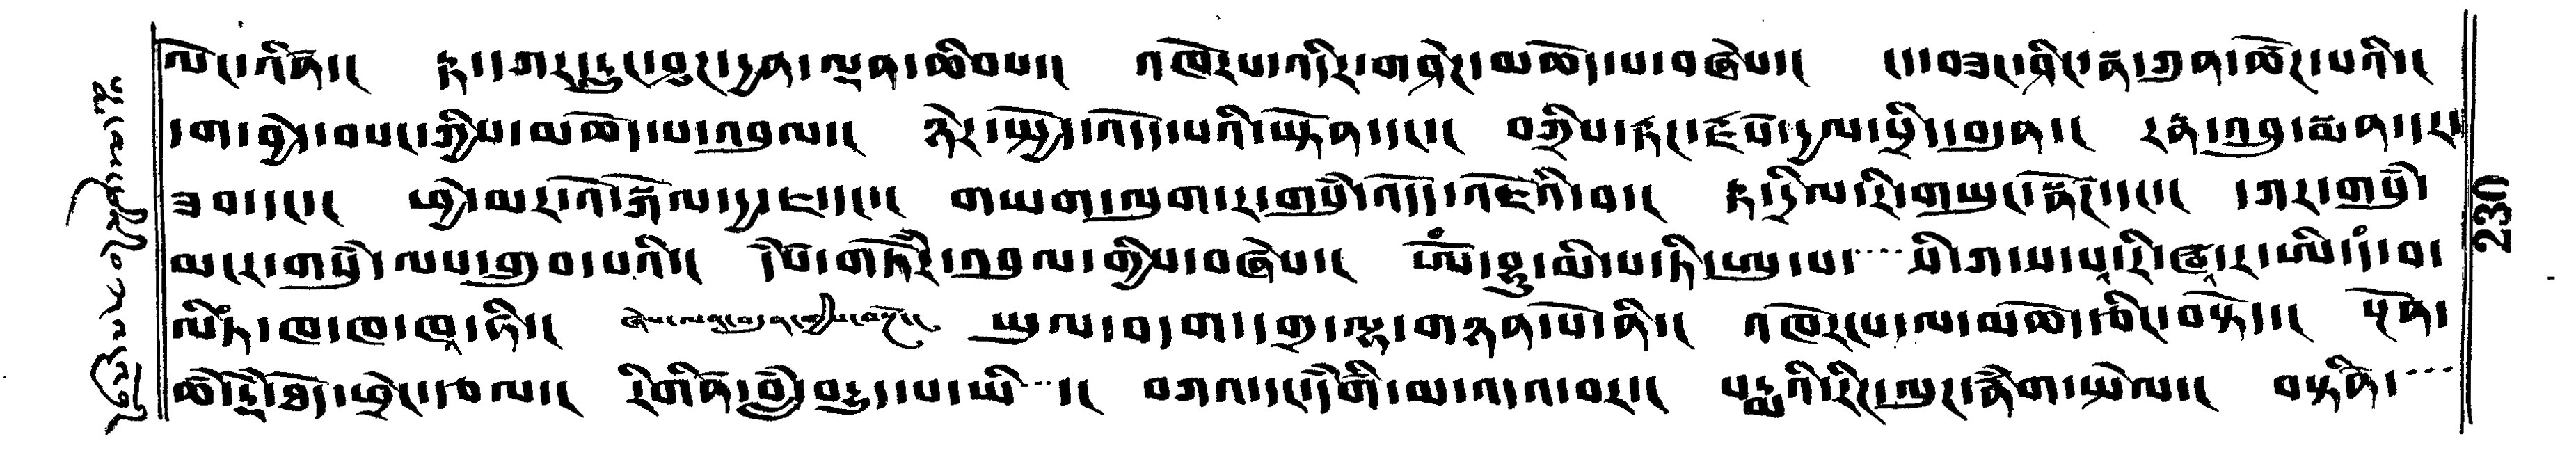ལོང་འཛིན། །རྟ་དཀར་རླུང་ཤུགས་རྒྱན་ལྡན་བཅིབས། །འཁོར་བཅས་འདིར་གཤེགས་མཆོད་པ་བཞེས། །ངད་བཟང་ཤིང་སྣ་ཀུན་ཚོགས་པའི། །
དག་བྱེད་བསངས་ཀྱིས་མཆོད་པ་འབུལ། །ཉེར་སྤྱོད་འདོད་པའི་ཡོན་ཏན་དང་། །བཀྲ་ཤིས་རྟགས་རྫས་རྒྱལ་སྲིད་བདུན། །རཏྣ་འབྲུ་སྨན་དར་
ཟབ་དང་། །ཕྱེ་མར་འོ་སྐོལ་རྒྱ་ཇ་དང་། །གཡག་ལུག་ར་གསུམ་འདོད་འཇོའི་བ། །རྟ་དྲེལ་རི་གཡུང་སྣ་ཚོགས་དང་། །དཀར་གསུམ་
མངར་གསུམ་ལས་གྲུབ་པའི། །དམ་རྫས་གཏོར་མ་འབུལ་གྱིས་བཞེས། ཨོཾ་བྷུ་མི་པ་ཏི་ཨུ་པ་སི་ཀ་ས་པཱ་རི་ཝཱ་ར་ཨི་དཾ་བ་
ལིཾཏ་ཁ་ཁ་ཁཱ་ཧི།ཞེས་ལན་བདུན་གྱིས་བསྔོ། ཡུལ་བདག་དགྲ་ལྷ་གཉན་པོ་ནི། །འཁོར་དང་བཅས་ལ་མཆོད་ཅིང་བསྟོད། །སྔོན་
ཚེ་རྡོ་རྗེ་ཐོད་ཕྲེང་རྩལ། །རིག་འཛིན་བླ་མ་བརྒྱུད་པ་ཡི། །བཀའ་དང་དམ་ཚིག་མ་འདའ་བར། །པདྨའི་རིང་ལུགས་རྣམ་དག་སྤེལ། བསྟན་འཛིན་